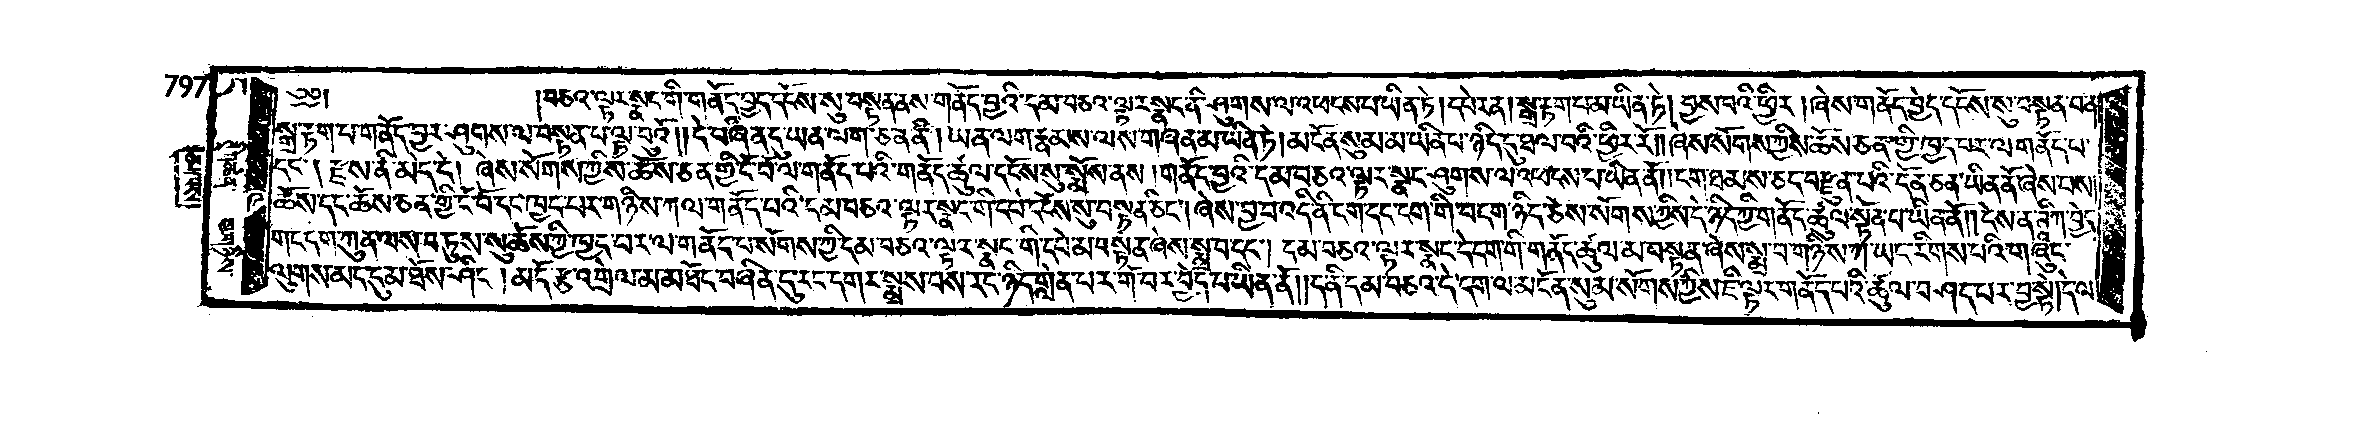༄༅། །བཅའ་ལྟར་སྣང་གི་གནོད་བྱེད་དངོས་སུ་བསྟན་ནས་གནོད་བྱའི་དམ་བཅའ་ལྟར་སྣང་ནི་ཤུགས་ལ་འཕངས་པ་ཡིན་ཏེ། དཔེར་ན། སྒྲ་རྟག་པ་མ་ཡིན་ཏེ། བྱས་པའི་ཕྱིར། ཞེས་གནོད་བྱེད་དངོས་སུ་བསྟན་པ་ན་
སྒྲ་རྟག་པ་གནོད་བྱར་ཤུགས་ལ་བསྟན་པ་ལྟ་བུའོ། །དེ་བཞིན་དུ་ཡན་ལག་ཅན་ནི། ཡན་ལག་རྣམས་ལས་གཞན་མ་ཡིན་ཏེ། མངོན་སུམ་མ་ཡིན་པ་ཉིད་དུ་ཐལ་བའི་ཕྱིར་རོ། །ཞེས་སོགས་ཀྱིས་ཆོས་ཅན་གྱི་ཁྱད་པར་ལ་གནོད་པ་
དང་། རྫས་ནི་མེད་དེ། ཞེས་སོགས་ཀྱིས་ཆོས་ཅན་གྱི་ངོ་བོ་ལ་གནོད་པའི་གནོད་ཚུལ་དངོས་སུ་སྨོས་ནས། གནོད་བྱའི་དམ་བཅའ་ལྟར་སྣང་ཤུགས་ལ་འཕངས་པ་ཡིན་ནོ། །ངག་ཐམས་ཅད་བརྫུན་པའི་དོན་ཅན་ཡིན་ནོ་ཞེས་པས།
ཆོས་དང་ཆོས་ཅན་གྱི་ངོ་བོ་དང་ཁྱད་པར་གཉིས་ཀ་ལ་གནོད་པའི་དམ་བཅའ་ལྟར་སྣང་གི་དཔེ་དངོས་སུ་བསྟན་ཅིང་། ཞེས་བྱ་བ་འདི་ནི་ངག་དང་ངག་གི་བདག་ཉིད་ཅེས་སོགས་ཀྱིས་དེ་ཉིད་ཀྱི་གནོད་ཚུལ་སྟོན་པ་ཡིན་ནོ། །དེས་ན་ཊྲཱི་ཀ་བྱེད་
གང་དག་ཀུན་ལས་བཏུས་སུ་ཆོས་ཀྱི་ཁྱད་པར་ལ་གནོད་པ་སོགས་ཀྱི་དམ་བཅའ་ལྟར་སྣང་གི་དཔེ་མ་བསྟན་ཞེས་སྨྲ་བ་དང་། དམ་བཅའ་ལྟར་སྣང་དེ་དག་གི་གནོད་ཚུལ་མ་བསྟན་ཞེས་སྨྲ་བ་གཉིས་ཀ་ཡང་རིགས་པའི་གཞུང་
ལུགས་མང་དུ་མ་ཐོས་ཤིང་། མདོ་རྩ་འགྲེལ་མ་མཐོང་བཞིན་དུ་རང་དགར་སྨྲས་པས་རང་ཉིད་གླེན་པར་གོ་བར་བྱེད་པ་ཡིན་ནོ། །དེ་ནི་དམ་བཅའ་དེ་དག་ལ་མངོན་སུམ་སོགས་ཀྱིས་ཇི་ལྟར་གནོད་པའི་ཚུལ་བཤད་པར་བྱ་སྟེ། དེ་ལ་